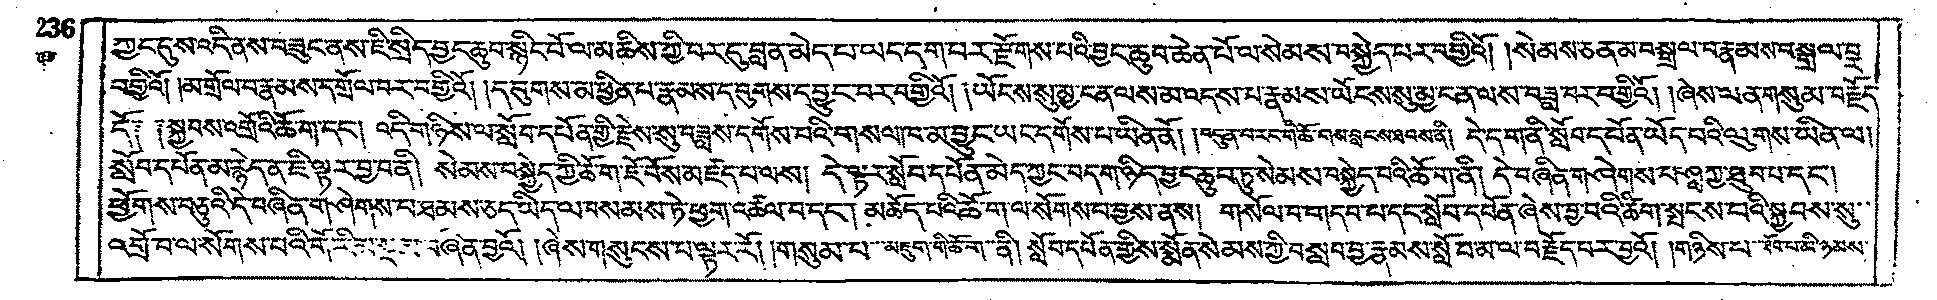ཀྱང་དུས་འདི་ནས་བཟུང་ནས་ཇི་སྲིད་བྱང་ཆུབ་སྙིང་པོ་ལ་མཆིས་ཀྱི་བར་དུ་བླ་ན་མེད་པ་ཡང་དག་པར་རྫོགས་པའི་བྱང་ཆུབ་ཆེན་པོ་ལ་སེམས་བསྐྱེད་པར་བགྱིའོ། །སེམས་ཅན་མ་བསྒྲལ་བ་རྣམས་བསྒྲལ་བར་
བགྱིའོ། །མ་གྲོལ་བ་རྣམས་དགྲོལ་བར་བགྱིའོ། །དབུགས་མ་ཕྱིན་པ་རྣམས་དབུགས་དབྱུང་བར་བགྱིའོ། །ཡོངས་སུ་མྱ་ངན་ལས་མ་འདས་པ་རྣམས་ཡོངས་སུ་མྱ་ངན་ལས་བཟླ་བར་བགྱིའོ། །ཞེས་ལན་གསུམ་བརྗོད་
དོ༑ ༑སྐྱབས་འགྲོའི་ཆོ་ག་དང་། འདི་གཉིས་ལ་སློབ་དཔོན་གྱི་རྗེས་སུ་བཟླས་དགོས་པའི་གསལ་ཁ་མ་བྱུང་ཡང་དགོས་པ་ཡིན་ནོ། །བདུན་པ་རང་གི་ཆོ་གས་བླངས་ཐབས་ནི།  དེ་དག་ནི་སློབ་དཔོན་ཡོད་པའི་ལུགས་ཡིན་ལ།
སློབ་དཔོན་མ་རྙེད་ན་ཇི་ལྟར་བྱ་བ་ནི། སེམས་བསྐྱེད་ཀྱི་ཆོ་ག་ཇོ་བོས་མཛད་པ་ལས། དེ་ལྟར་སློབ་དཔོན་མེད་ཀྱང་བདག་ཉིད་བྱང་ཆུབ་ཏུ་སེམས་བསྐྱེད་པའི་ཆོ་ག་ནི། དེ་བཞིན་གཤེགས་པ་ཤཱཀྱ་ཐུབ་པ་དང་།
ཕྱོགས་བཅུའི་དེ་བཞིན་གཤེགས་པ་ཐམས་ཅད་ཡིད་ལ་བསམས་ཏེ་ཕྱག་འཚལ་བ་དང་། མཆོད་པའི་ཆོ་ག་ལ་སོགས་པ་བྱས་ནས། གསོལ་བ་གདབ་པ་དང་སློབ་དཔོན་ཞེས་བྱ་བའི་ཚིག་སྤངས་པའི་སྐྱབས་སུ་
འགྲོ་བ་ལ་སོགས་པའི་གོ་རིམ་སྔ་མ་བཞིན་བྱའོ། །ཞེས་གསུངས་པ་ལྟར་རོ། །གསུམ་པམཇུག་གི་ཆོ་གནི། སློབ་དཔོན་གྱིས་སྨོན་སེམས་ཀྱི་བསླབ་བྱ་རྣམས་སློབ་མ་ལ་བརྗོད་པར་བྱའོ། །གཉིས་པཐོབ་པ་མི་ཉམས་